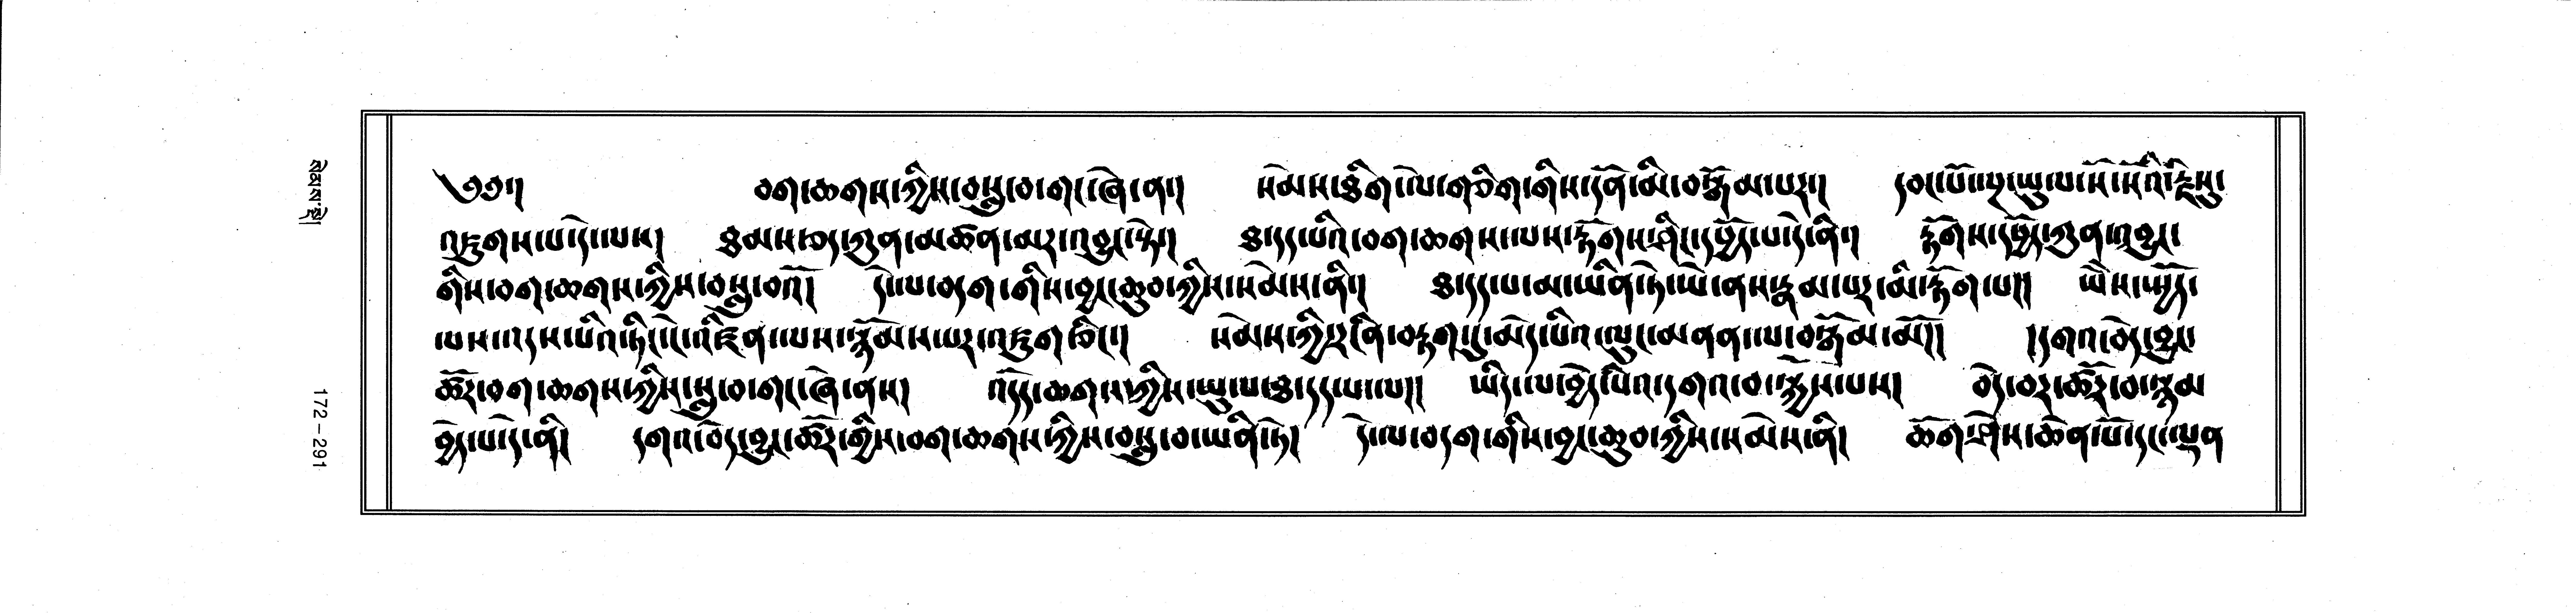བག་ཆགས་ཀྱིས་བསླུ་བ་གང་ཞེ་ན། སེམས་ཐིག་ལེ་གཅིག་གིས་དོན་མི་བསྒོམ་པར། དབང་པོ་ལྔ་ཡུལ་སོ་སོའི་རྗེས་སུ་
འཇུགས་པ་དེ་ལས། ཐམས་ཅད་ཀུན་མཚན་མར་འབྱུང་སྟེ། ཐ་དད་པའི་བག་ཆགས་ལས་རྟོགས་ཤིང་དཔྱོད་པ་དེ་ནི། རྟོགས་དཔྱོད་ཀུན་འབྱུང་
གིས་བག་ཆགས་ཀྱིས་བསླུ་བའོ། དེ་ལ་བདག་གིས་བྱང་ཆུབ་ཀྱིས་སེམས་ནི། ཐ་དད་པ་མ་ཡིན་ཏེ་ཡེ་ནས་རྣམ་པར་མི་རྟོགས་པ། ཡེ་ཤེས་སྤྱོད་
ལས་འདས་པའི་ཏིང་ངེ་འཛིན་ལས་སྙོམས་པར་འཇུག་ཅིང་། སེམས་ཀྱི་རང་བཞིན་བརྟག་དུ་མེད་པའི་ལུང་མནན་ལ་བསྒོམ་མོ། དགའ་བདེ་བྱུང་
ཚོར་བག་ཆགས་ཀྱིས་སླུ་བ་གང་ཞེ་ནས། འདོད་ཆགས་ཀྱིས་ཡུལ་ཐ་དད་པ་ལ། ཡིད་ལ་བྱེད་པའི་དགའ་བ་སྐྱེས་པས། བདེ་བར་ཚོར་བ་སྙམ་
བྱེད་པ་དེ་ནི། དགའ་བདེ་བྱུང་ཚོར་གྱིས་བག་ཆགས་ཀྱིས་བསླུ་བ་ཡིན་ཏེ། དེ་ལ་བདག་གིས་བྱང་ཆུབ་ཀྱིས་སེམས་ནི། ཆོག་ཤེས་ཆེན་པོ་དང་ལྡན་